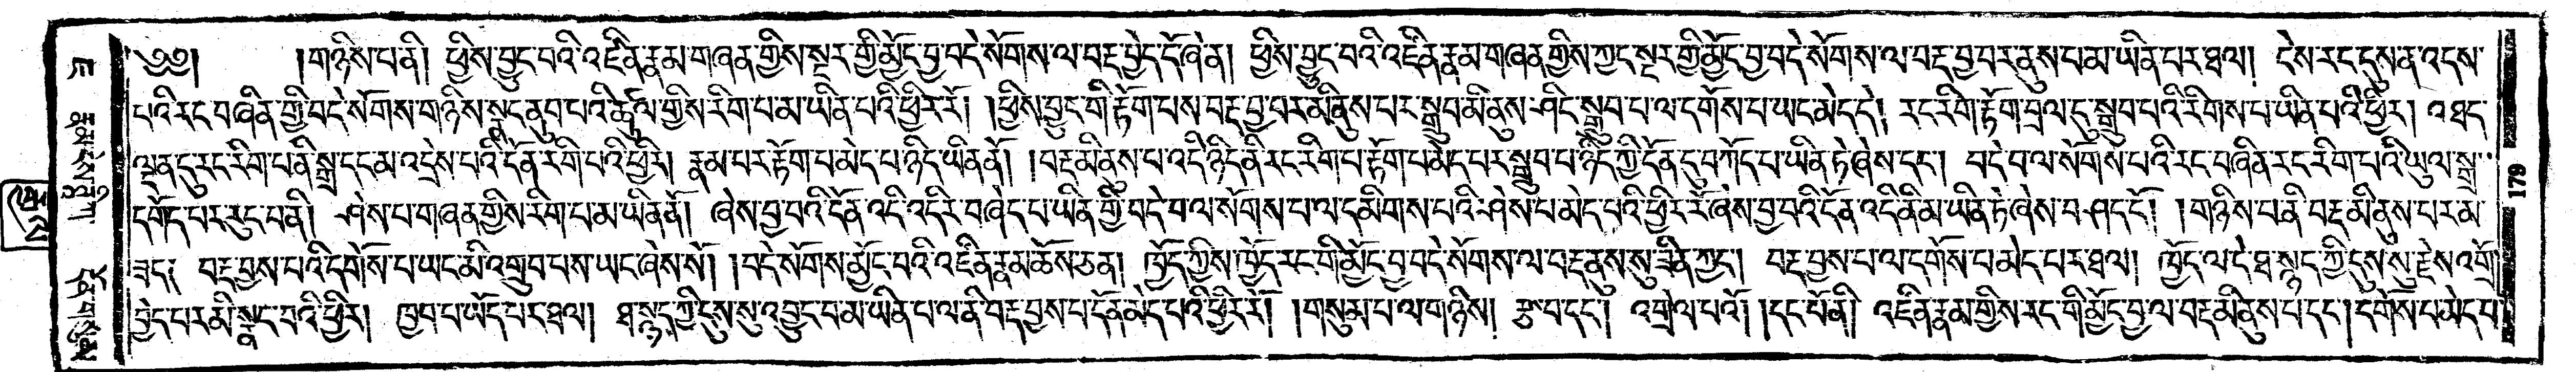༄༅། །གཉིས་པ་ནི། ཕྱིས་བྱུང་བའི་འཛིན་རྣམ་གཞན་གྱིས་སྔར་གྱི་མྱོང་བྱ་བདེ་སོགས་ལ་བརྡ་བྱེད་དོ་ཞེ་ན། ཕྱིས་བྱུང་བའི་འཛིན་རྣམ་གཞན་གྱིས་ཀྱང་སྔར་གྱི་མྱོང་བྱ་བདེ་སོགས་ལ་བརྡ་བྱ་བར་ནུས་པ་མ་ཡིན་པར་ཐལ། ངེས་རང་དུས་ན་འདས་
པའི་རང་བཞིན་གྱི་བདེ་སོགས་གཉིས་སྣང་ནུབ་པའི་ཚུལ་གྱིས་རིག་པ་མ་ཡིན་པའི་ཕྱིར་རོ། །ཕྱིས་བྱུང་གི་རྟོག་པས་བརྡ་བྱ་བར་མི་ནུས་པར་སྒྲུབ་མི་ནུས་ཤིང་སྒྲུབ་པ་ལ་དགོས་པ་ཡང་མེད་དེ། རང་རིག་རྟོག་བྲལ་དུ་སྒྲུབ་པའི་རིགས་པ་ཡིན་པའི་ཕྱིར། འཐད་
ལྡན་དུ་རང་རིག་པ་ནི་སྒྲ་དང་མ་འདྲེས་པའི་དོན་རིག་པའི་ཕྱིར། རྣམ་པར་རྟོག་པ་མེད་པ་ཉིད་ཡིན་ནོ། །བརྡ་མི་ནུས་པ་འདི་ཉིད་ནི་རང་རིག་པ་རྟོག་པ་མེད་པར་སྒྲུབ་པ་ཉིད་ཀྱི་དོན་དུ་བཀོད་པ་ཡིན་ཏེ་ཞེས་དང་། བདེ་བ་ལ་སོགས་པའི་རང་བཞིན་རང་རིག་པའི་ཡུལ་སྒྲ་
དགོད་པར་རུང་པ་ནི། ཤེས་པ་གཞན་གྱིས་རིག་པ་མ་ཡིན་ནོ། །ཞེས་བྱ་བའི་དོན་འདི་འདིར་བཞེད་པ་ཡིན་གྱི་བདེ་བ་ལ་སོགས་པ་ལ་དམིགས་པའི་ཤེས་པ་མེད་པའི་ཕྱིར་རོ་ཞེས་བྱ་བའི་དོན་འདི་ནི་མ་ཡིན་ཏེ་ཞེས་བཤད་དོ། །གཉིས་པ་ནི་བརྡ་མི་ནུས་པར་མ་
ཟད། བརྡ་བྱས་པའི་དགོས་པ་ཡང་མི་འགྲུབ་པས་ཡང་ཞེས་སོ། །བདེ་སོགས་མྱོང་བའི་འཛིན་རྣམ་ཆོས་ཅན། ཁྱོད་ཀྱིས་ཁྱོད་རང་གི་མྱོང་བྱ་བདེ་སོགས་ལ་བརྡ་ནུས་སུ་ཟིན་ཀྱང་། བརྡ་བྱས་པ་ལ་དགོས་པ་མེད་པར་ཐལ། ཁྱོད་ལ་དེ་ཐ་སྙད་ཀྱི་དུས་སུ་རྗེས་འགྲོ་
བྱེད་པར་མི་སྣང་བའི་ཕྱིར། ཁྱབ་པ་ཡོད་པར་ཐལ། ཐ་སྙད་ཀྱི་དུས་སུ་འབྱུང་བ་མ་ཡིན་པ་ལ་ནི་བརྡ་བྱས་པ་དོན་མེད་པའི་ཕྱིར་རོ། །གསུམ་པ་ལ་གཉིས། རྩ་བ་དང་། འགྲེལ་པའོ། །དང་པོ་ནི། འཛིན་རྣམ་གྱིས་རང་གི་མྱོང་བྱ་ལ་བརྡ་མི་ནུས་པ་དང་། དགོས་པ་མེད་པ་